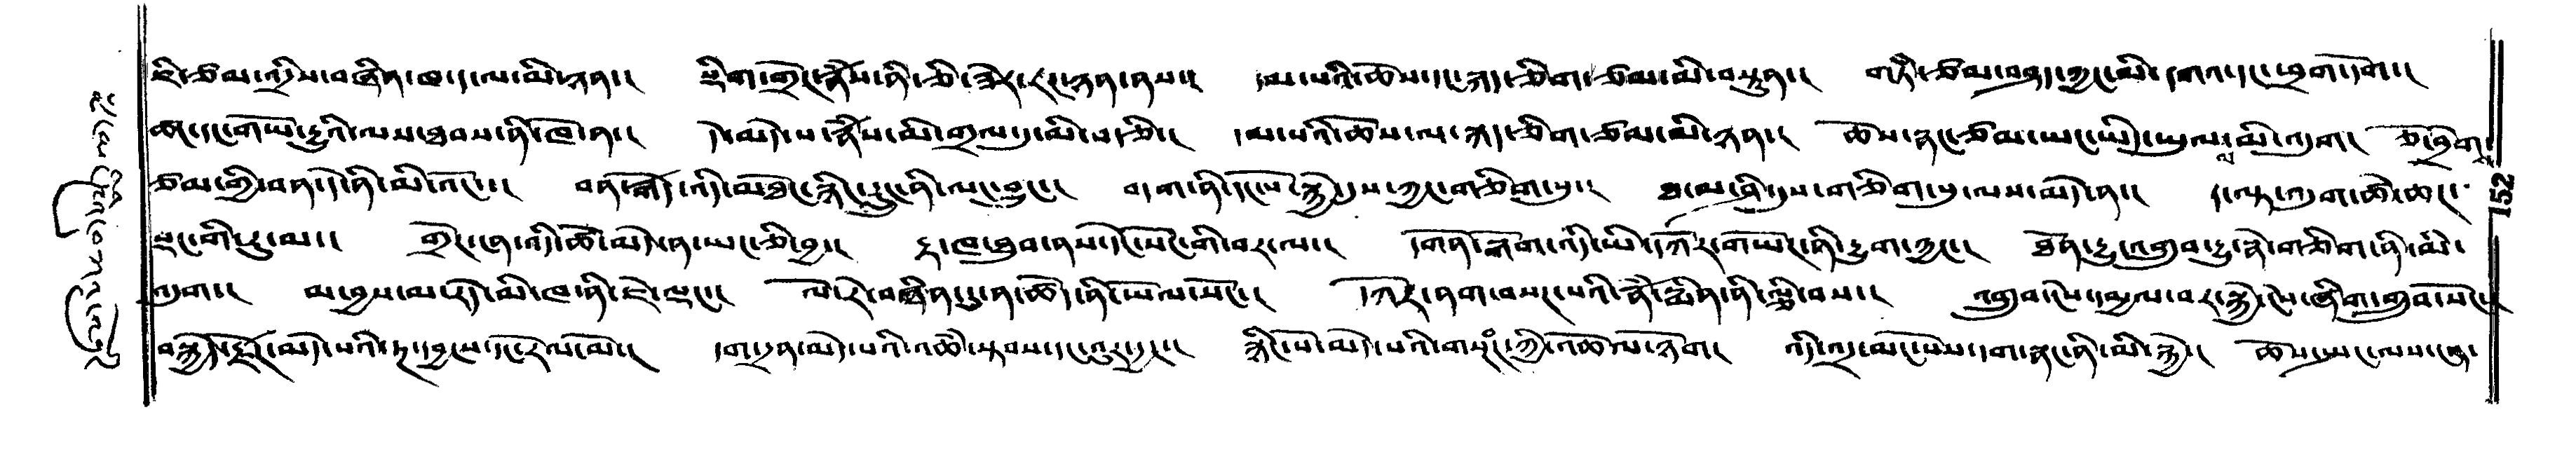།ཇི་ཙམ་འདྲིས་བཞིན་ཁ་བརྡ་ལ་མི་ཉན། །སྡིག་གྲོགས་རྣམས་ཀྱི་ཅི་ཟེར་རང་ཉན་ནས། །དམ་པའི་ཆོས་དང་སྐད་ཅིག་ཙམ་མི་བསྟུན། །གཏམ་ཙམ་བཤད་ཀྱང་མི་དགའ་དང་ཕྲག་དོག །
ཚོང་དང་གཡོ་སྒྱུའི་ལས་ཐབས་ནི་ཁོ་ན། །དེ་མེད་པ་རྣམས་མི་གྲལ་དུ་མི་བརྩི། །དམ་པའི་ཆོས་ལ་སྐད་ཅིག་ཙམ་མི་ཉན། །ཆོས་སྣང་ཙམ་ཡང་ཡིད་ཡུལ་ལ་མི་འདུག །ཅོ་བྲེགས་
ཙམ་གྱིས་བནྡེ་ནི་མི་འོང་། བན་རྒོད་འདི་མཐོང་སྙིང་རླུང་ནི་ལང་བྱུང་། །བདག་ནི་དང་པོ་སྐྱེ་དུས་ཀྱང་གཅིག་པུ། །མཐའ་མ་ཤི་དུས་གཅིག་པུ་ལས་མེད་ན། །ད་ལྟ་འདུག་ཚེ་ཆགས་
སྡང་གི་རུ་མ། །གྲོགས་ངན་འདི་ཚོ་མེད་ན་ཡང་ཅི་བྱ། །རྟ་ཁ་ཐུབ་ནས་དེང་སང་གི་བར་ལ། །དགོན་གོག་འདི་ཡི་དཀོར་གཡོག་ནི་བརྒྱུགས་ཀྱང་། །ཐོན་རྒྱུ་འགྲུབ་རྒྱུ་སྣ་གཅིག་ནི་མི་
འདུག།མ་བྱས་མ་རེད་མི་ཁ་ནི་ཇེ་སྡང་། །ལོ་རེ་བཞིན་དུ་ན་ཚོད་ནི་ཡོལ་འགྲོ། །དཀོར་ནག་བསགས་པའི་རྣམ་སྨིན་ནི་ལྕི་བས། འགྲུབ་ངེས་དམྱལ་བར་སྐྱེ་ངེས་ཞིག་གྲུབ་སོང་། །
བསྐྱེད་རྫོགས་མེད་པའི་རྔ་དབྱངས་དང་རོལ་མོ། །དག་དྲན་མེད་པའི་འཆམ་སྟབས་དང་འུར་རྒྱང་། །སྙིང་པོ་མེད་པའི་གསང་སྔགས་ཀྱི་འཆོལ་ཉོག །འདི་འདྲ་མང་པོས་དག་སྣང་ནི་མི་སྐྱེ། །ཆོས་སྤོང་ལས་ངན་